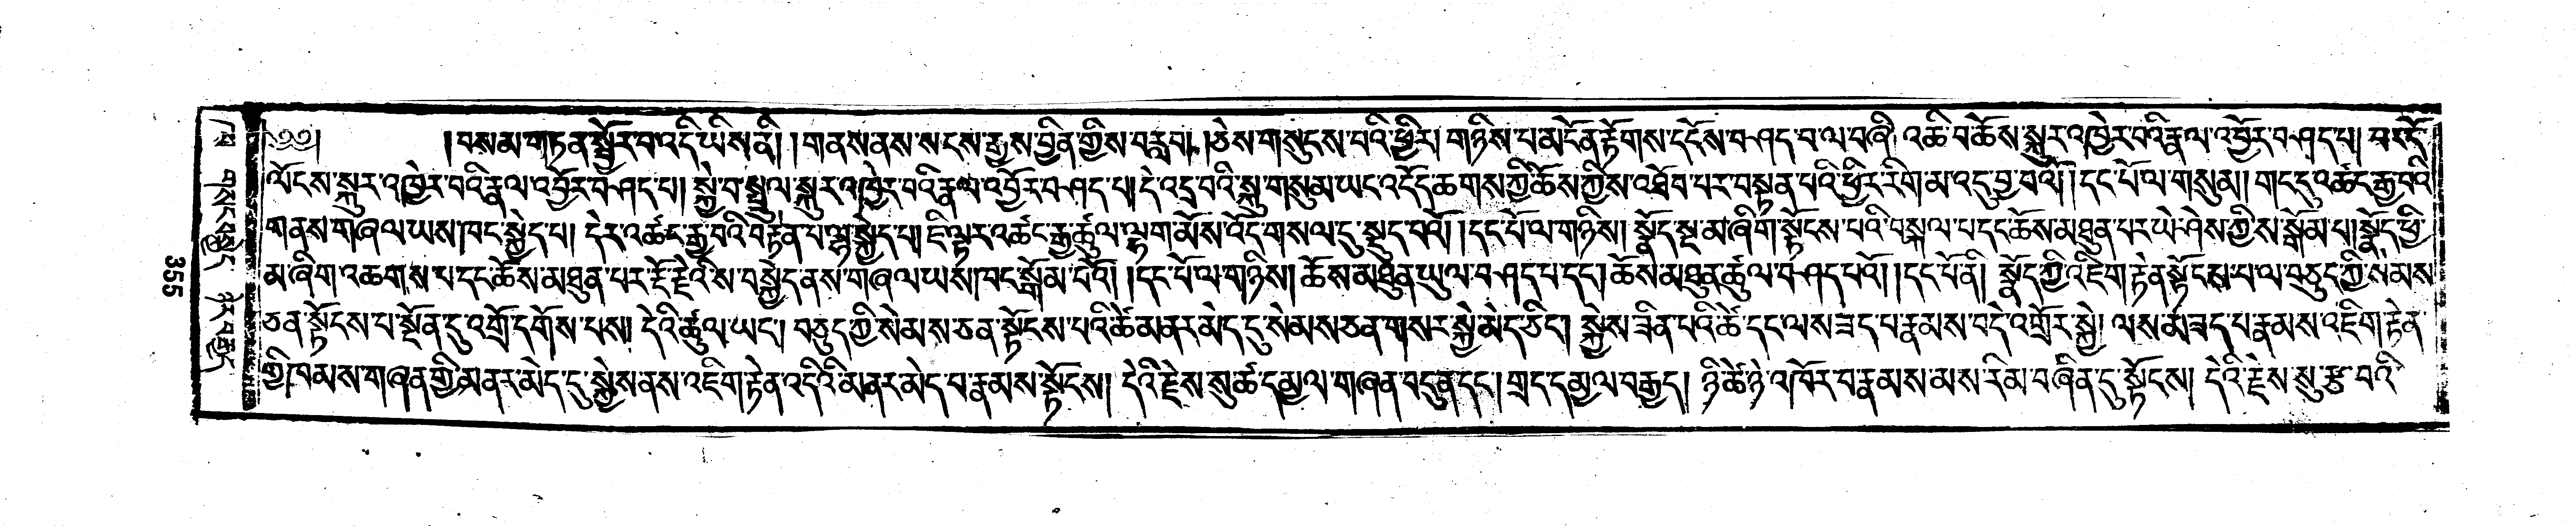༄༅། །བསམ་གཏན་སྦྱོར་བ་འདི་ཡིས་ནི། །གནས་ནས་སངས་རྒྱས་བྱིན་གྱིས་བརླབ། །ཅེས་གསུངས་པའི་ཕྱིར། གཉིས་པ་མངོན་རྟོགས་དངོས་བཤད་པ་ལ་བཞི། འཆི་བ་ཆོས་སྐུར་འཁྱེར་བའི་རྣལ་འབྱོར་བཤད་པ། བར་དོ་
ལོངས་སྐུར་འཁྱེར་བའི་རྣལ་འབྱོར་བཤད་པ། སྐྱེ་བ་སྤྲུལ་སྐུར་འཁྱེར་བའི་རྣལ་འབྱོར་བཤད་པ། དེ་འདྲ་བའི་སྐུ་གསུམ་ཡང་འདོད་ཆགས་ཀྱི་ཆོས་ཀྱིས་འཐོབ་པར་བསྟན་པའི་ཕྱིར་རིག་མ་འདུ་བྱ་བའོ། །དང་པོ་ལ་གསུམ། གང་དུ་འཚང་རྒྱ་བའི་
གནས་གཞལ་ཡས་ཁང་སྐྱེད་པ། དེར་འཚང་རྒྱ་བའི་བརྟེན་པ་ལྷ་སྐྱེད་པ། ཇི་ལྟར་འཚང་རྒྱ་ཚུལ་ལྷག་མོས་འོད་གསལ་དུ་སྡུད་པའོ། །དང་པོ་ལ་གཉིས། སྣོད་སྔ་མ་ཞིག་སྟོངས་པའི་བསྐལ་པ་དང་ཆོས་མཐུན་པར་ཡེ་ཤེས་ཀྱིས་སྒོམ་པ། སྣོད་ཕྱི་
མ་ཞིག་འཆགས་པ་དང་ཆོས་མཐུན་པར་རྡོ་རྗེའི་ས་བསྐྱེད་ནས་གཞལ་ཡས་ཁང་སྒོམ་པའོ། །དང་པོ་ལ་གཉིས། ཆོས་མཐུན་ཡུལ་བཤད་པ་དང་། ཆོས་མཐུན་ཚུལ་བཤད་པའོ། །དང་པོ་ནི། སྣོད་ཀྱི་འཇིག་རྟེན་སྟོངས་པ་ལ་བཅུད་ཀྱི་སེམས་
ཅན་སྟོངས་པ་སྔོན་དུ་འགྲོ་དགོས་པས། དེའི་ཚུལ་ཡང་། བཅུད་ཀྱི་སེམས་ཅན་སྟོངས་པའི་ཚེ་མནར་མེད་དུ་སེམས་ཅན་གསར་སྐྱེ་མེད་ཅིང་། སྐྱེས་ཟིན་པའི་ཚེ་དང་ལས་ཟད་པ་རྣམས་བདེ་འགྲོར་སྐྱེ། ལས་མ་ཟད་པ་རྣམས་འཇིག་རྟེན་
གྱི་ཁམས་གཞན་གྱི་མནར་མེད་དུ་སྐྱེས་ནས་འཇིག་རྟེན་འདིའི་མནར་མེད་པ་རྣམས་སྟོངས། དེའི་རྗེས་སུ་ཚ་དམྱལ་གཞན་བདུན་དང་། གྲང་དམྱལ་བརྒྱད། ཉི་ཚེ་ཉེ་འཁོར་བ་རྣམས་མས་རིམ་བཞིན་དུ་སྟོངས། དེའི་རྗེས་སུ་རྩ་བའི་